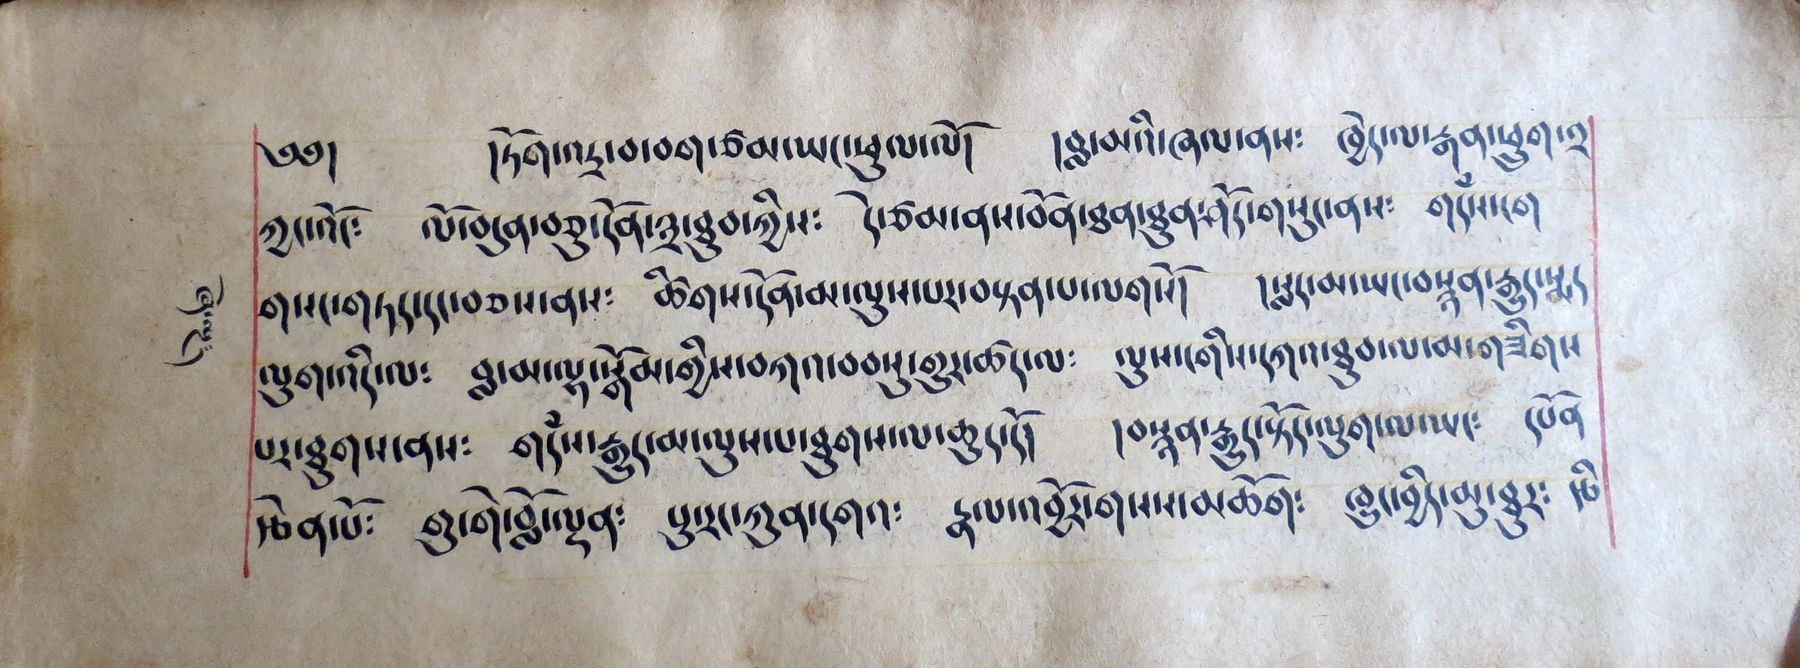ཏོག་འདྲ་བ་བག་ཙམ་ཡང་ཕུལ་ལོ། །བླ་མའི་ཞལ་ནས། ཁྱེད་ལ་རྒན་ཕྲུག་གཉིས་
ཀྱང་འོང་། ལོ་བདུན་ཅུ་དོན་གསུམ་ཐུབ་ཀྱིས། དེ་ཙམ་ནས་བོན་ཐན་ཐུན་ཤོད་གསུངས་ནས། གདམས་ངག་
གསང་གཏད་དང་བཅས་ནས། ཚིག་དོན་མ་ལུས་པ་བསྟན་པ་ལགས་སོ། །སླད་མ་ཡང་སྙན་རྒྱུད་སྨད་
ལུགས་འདི་ལ། བླ་མ་ལྷ་སྒོམ་གྱིས་བཀའ་བབས་སུ་གྱུར་ཚད་ལ། ལུས་ངག་གིས་དཀའ་ཐུབ་ལ་མ་གཟིགས་
པར་ཐུགས་ནས། གདམས་རྒྱུད་མ་ལུས་པ་ཐུགས་ལ་ཆུད་དོ། སྙན་རྒྱུད་སྟོད་ལུགས་ལ་ཡང་། དཔོན་
བརྩན་པོ། གུ་གེ་བློ་ལྡན། པུ་རང་ཀུན་དགའ། རྣལ་འབྱོར་གསས་མཆོག ཁྱུང་བྱིད་མུ་ཐུར། རྩི་